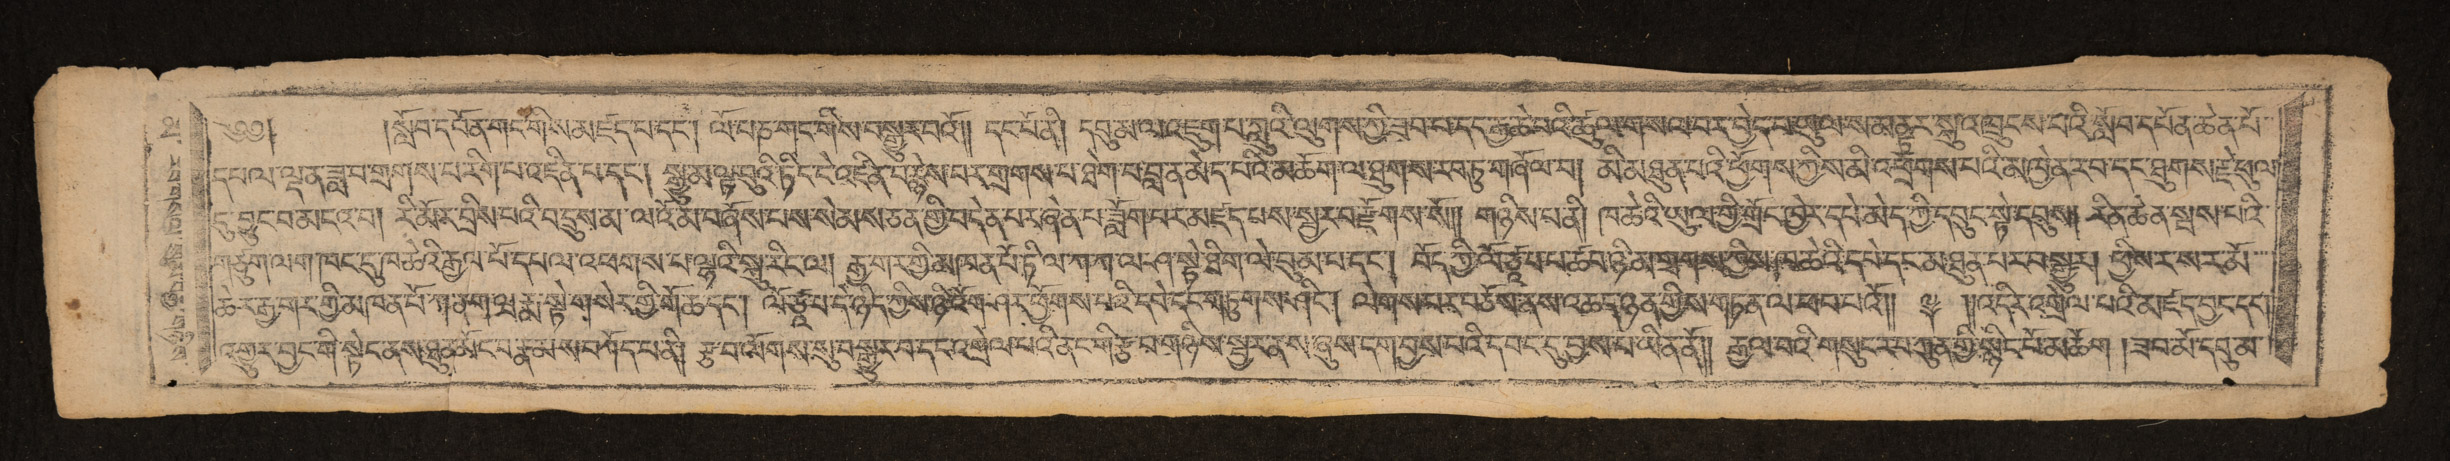༄༅། །སློབ་དཔོན་གང་གིས་མཛད་པ་དང་། ལོ་པཎ་གང་གིས་བསྒྱུར་བའོ།། དང་པོ་ནི། དབུ་མ་ལ་འཇུག་པ་ཀླུའི་ལུགས་ཀྱི་ཟབ་པ་དང་རྒྱ་ཆེ་བའི་ཚུལ་གསལ་བར་བྱེད་པ་ཡུལ་ས་མཎྚར་སྐུ་འཁྲུངས་པའི་སློབ་དཔོན་ཆེན་པོ་
དཔལ་ལྡན་ཟླ་བ་གྲགས་པ་རིག་པ་འཛིན་པ་དང་། སྒྱུ་མ་ལྟ་བུའི་ཏིང་ངེ་འཛིན་བརྙེས་པར་གྲགས་པ་ཐེག་པ་བླ་ན་མེད་པའི་མཆོག་ལ་ཐུགས་རབ་ཏུ་གཞོལ་བ། མི་མཐུན་པའི་ཕྱོགས་ཀྱིས་མི་འཕྲོགས་པའི་མཁྱེན་རབ་དང་ཐུགས་རྗེ་ཕུལ་
དུ་བྱུང་བ་མངའ་བ། རི་མོར་བྲིས་པའི་བ་དྲུས་མ་ལ་འོ་མ་བཞོས་པས་སེམས་ཅན་གྱི་བདེན་པར་ཞེན་པ་ཟློག་པར་མཛད་པས་སྦྱར་བ་རྫོགས་སོ།། གཉིས་པ་ནི། ཁ་ཆེའི་ཡུལ་གྱི་གྲོང་ཁྱེར་དཔེ་མེད་ཀྱི་དཔུང་སྟེ་དབུས། རིན་ཆེན་སྦས་པའི་
གཙུག་ལག་ཁང་དུ་ཁ་ཆེའི་རྒྱལ་པོ་དཔལ་འཕགས་པ་ལྷའི་སྐུ་རིང་ལ། རྒྱ་གར་གྱི་མཁན་པོ་ཏི་ལ་ཀ་ཀ་ལ་ཤ་སྟེ་ཐིག་ལེ་བུམ་པ་དང་། བོད་ཀྱི་ལོ་ཙཱ་བ་པ་ཚབ་ཉི་མ་གྲགས་ཀྱིས་ཁ་ཆེའི་དཔེ་དང་མཐུན་པར་བསྒྱུར། ཕྱིས་ར་ས་ར་མོ་
ཆེར་རྒྱ་གར་གྱི་མཁན་པོ་ཀ་ན་ག་ཝརྨ་སྟེ་གསེར་གྱི་གོ་ཆ་དང་། ལོ་ཙཱ་བ་དེ་ཉིད་ཀྱིས་ཉི་འོག་ཤར་ཕྱོགས་པའི་དཔེ་དང་གཏུགས་ཤིང་། ལེགས་པར་བཅོས་ནས་འཆད་ཉན་གྱིས་གཏན་ལ་ཕབ་པའོ།། ༈ །།འདིར་འགྲེལ་པའི་མཛད་བྱང་དང་།
འགྱུར་བྱང་གི་སྟེང་ནས་ཐུན་མོང་བ་རྣམས་བཀོད་པ་ནི། རྩ་བ་ལོགས་སུ་བསྒྱུར་བ་དང་འགྲེལ་པའི་ནང་གི་རྩ་བ་གཉིས་སྦྱར་ནས་ཞུས་དག་བྱས་པའི་དབང་དུ་བྱས་པ་ཡིན་ནོ།། རྒྱལ་བའི་གསུང་རབ་ཀུན་གྱི་སྙིང་པོ་མཆོག །ཟབ་མོ་དབུ་མ་